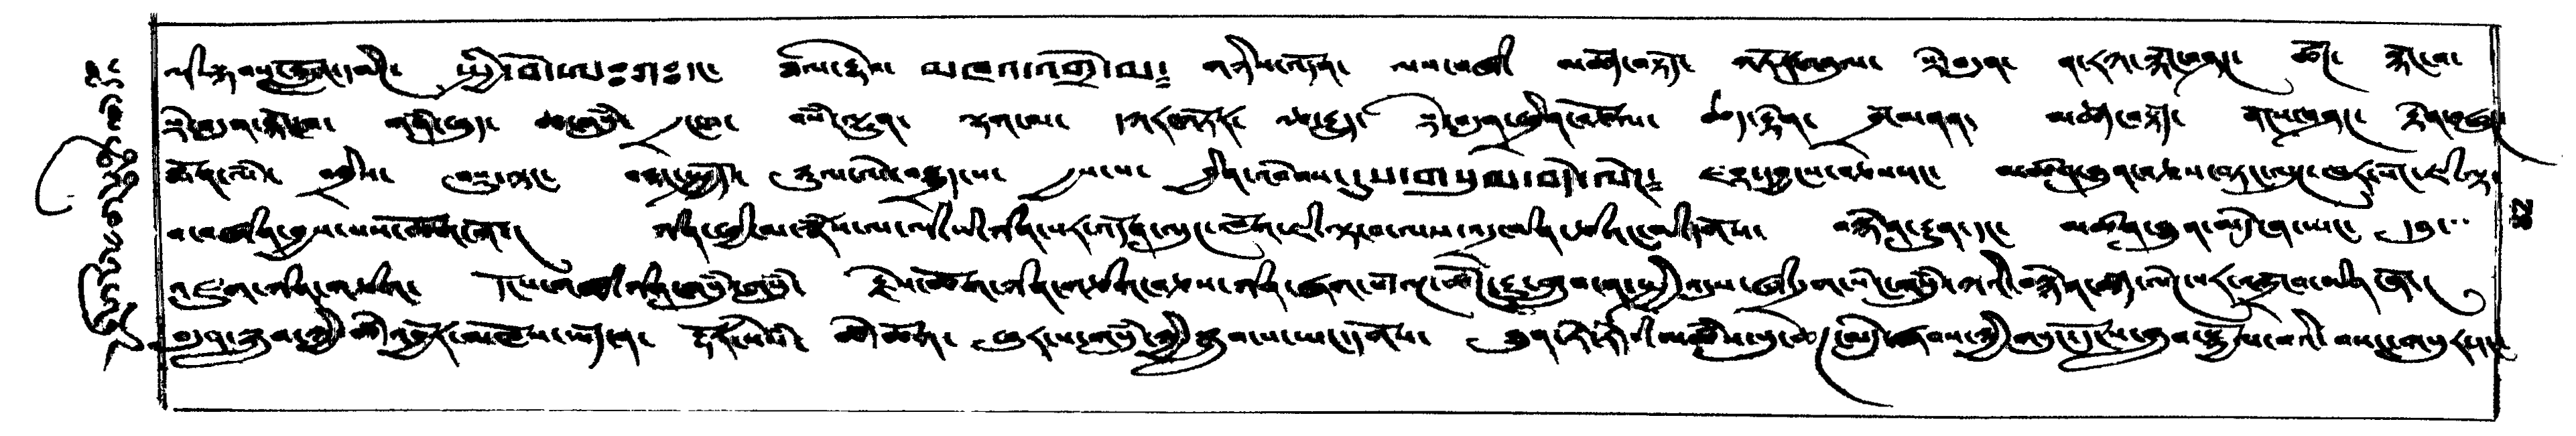འདི་སྐབས་ཟློག་དམིགས། སྤྱི་བོ་ཨ་ཿཀཿདང་། ཐལ་རྡེབ།་མཁའ་འགྲོ་མ༴ གཉིས་འདོན། ལས་བཞི། མཆོད་བསྟོད། གཏོར་འབུལ། སྡེ་བདུན། ན་རཀ་སྐོང་བཤགས། ཚོགས། སྐོང་བ། 
སྡེ་བདུན་སྐོང་བ། གནམ་ཕུད། ཆ་གསུམ། དྲང་བ། བསམ་ལྷུན། ལྷག་མ། དཀར་གཏོར། རྩ་རྒྱུད། སྡེ་བདུན་ཕྲིན་བཅོལ། ཆད་རྟེན། བྲོ་མནན། མཆོད་བསྟོད། ནོངས་བཤགས། རྟེན་བཞུགས་
སྨོན་ལམ། བཀྲ་ཤིས། བསྡུ་ལྡང་། བཟང་སྤྱོད། ཉུལ་ལེ་བསྐྲད་པ། རྒྱས་པ། བྱིན་འབེབས། དུས་གསུམ་བདེ་ལེགས༴ ཛབ་དབྱངས་བཅས་དང་། མཚན་ཐུན་བཅས་བཏང་ལུགས་ཁར་སེང་ཇི་ལྟ་
བ་བཞིན་བྱས་པས་ཆོག་གོ།། ཉིན་ཕྱི་མ་རྣམས་ལ་འདིའི་ཉིན་པར་འདོན་ལུགས་ཁོག་ཇི་ལྟ་བ་ལས་འདྲ་མིན་ཅིའང་མི་དགོས། བསྙེན་རྒྱུན་དང་། མཚན་ཐུན་མེན་ན་ཡང་། དབུ་
འཛུགས་ཉིན་གཅིག དངོས་གཞི་ཉིན་གསུམ་གསུམ། རྗེས་ཆོག་ཉིན་གཅིག་བཅས་ཉིན་ཞག་སོ་ལྔ་ཚོགས་རྒྱུ་གྲུབ་ན་སྤྱི་འདུས་ཞི་དྲག་སེང་གསུམ་ཀའི་བསྙེན་ཚད་ལེགས་པར་འགྲོ་བ་ཡིན་ནོ།། 
བདུན་སྒྲུབ་ཀྱི་ཚེ་འབྱོར་མཁོས་ཡོད་ན། རྡོར་སེམས། ཚེ་ཆོག ཕུར་པ་གསུམ་ཀྱི་སྒྲུབ་པ་ཡང་དགོས། ཐུན་རེ་རེའི་མཚམས་སུ། ཆགས་མེད་ཞབས་ཀྱི་གསུང་དངོས་གྲུབ་སྐྱོལ་བའི་བསང་གསུར་དང་།